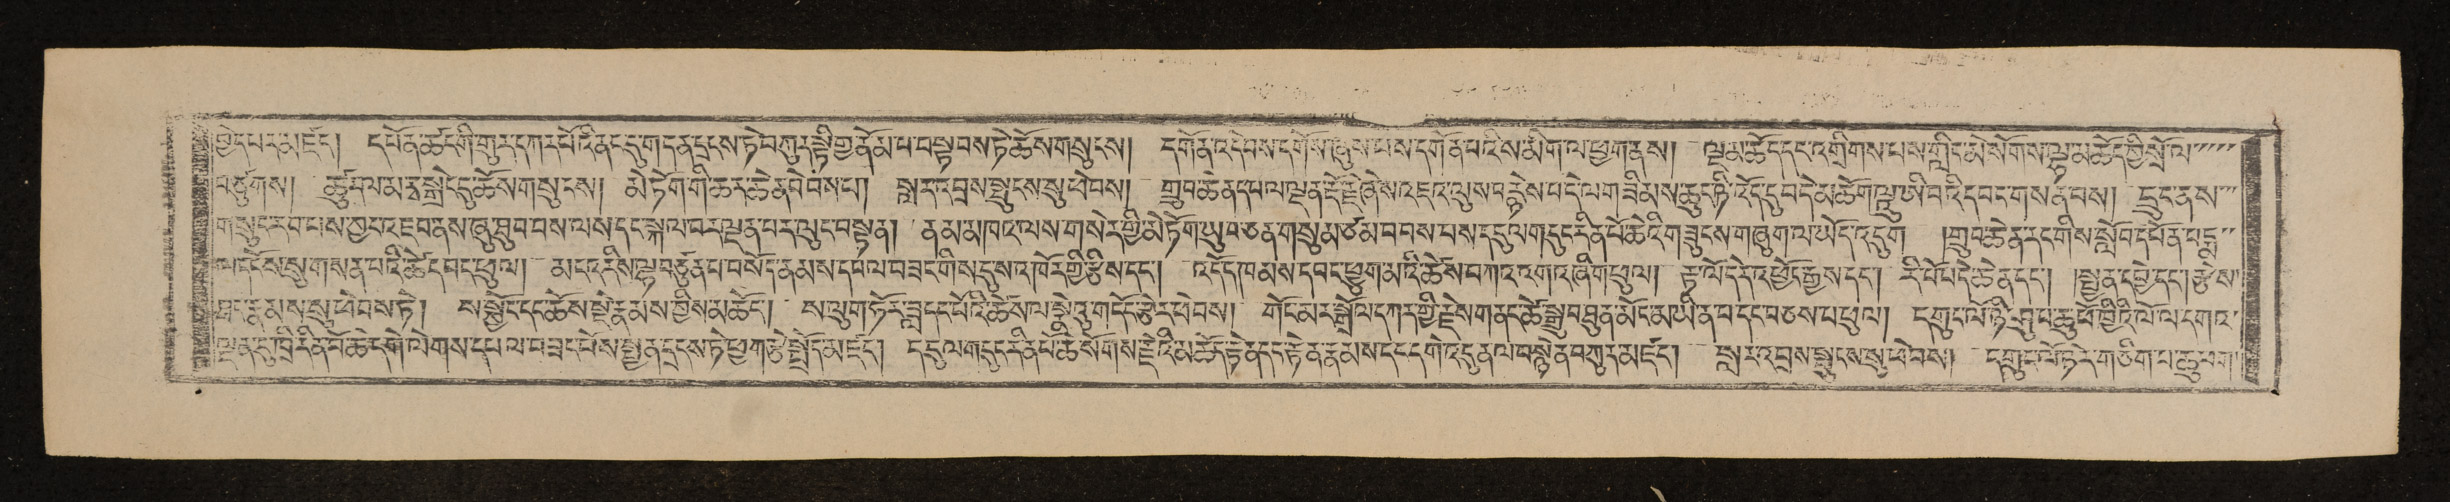བྱེད་པར་མཛད། དཔོན་ཚང་གི་གུར་དཀར་པོའི་ནང་དུ་གདན་དྲངས་ཏེ་བཀུར་སྟི་གྱ་ནོམ་པ་བསྟབས་ཏེ་ཆོས་གསུངས། དགོན་འདེབས་དགོས་ཞུས་པས་དགོན་པའི་ས་མིག་ལ་ཕྱག་ནས། ལྔ་མཆོད་དང་འགྲིགས་པས་གླིང་མེ་སོགས་ལྷ་མཆོད་ཀྱི་སྲོལ་
བཙུགས། ཚུར་ལམ་རྭ་སྒྲེང་དུ་ཆོས་གསུངས། མེ་ཏོག་གི་ཆར་ཆེན་པོ་བབས། སླར་འབྲས་སྤུངས་སུ་ཕེབས། གྲུབ་ཆེན་དཔལ་ལྡན་རྡོ་རྗེ་ཞེས་འཇའ་ལུས་བརྙེས་པ་དེ་ལ་གཟིམས་ཆུང་ཉི་འོད་དུ་བདེ་མཆོག་ལཱུ་ཨི་བའི་དབང་གསན་པས། དྲུང་ནས་
གསུང་རབ་བས་ཀྱང་འཇབ་ནས་ཞུ་ཐུབ་པས་ལས་དང་སྐལ་བར་ལྡན་པར་ལུང་བསྟན། ནམ་མཁའ་ལས་གསེར་གྱི་མེ་ཏོག་ཡུ་བ་ཅན་གསུམ་ཙམ་བབས་པས་དངུལ་གདུང་རིན་པོ་ཆེའི་གཟུངས་གཞུག་ལ་ཡོད་འདུག །གྲུབ་ཆེན་རང་གིས་སློབ་དཔོན་པདམ་
ལ་དངོས་སུ་གསན་པའི་ཚེ་དབང་ཕུལ། མངའ་རིས་ལྷ་བཙུན་བ་བསོད་ནམས་དཔལ་བཟང་གིས་དུས་འཁོར་གྱི་རྩིས་དང་། འདོད་ཁམས་དབང་ཕྱུག་མའི་ཆོས་བཀའ་འགའ་ཞིག་ཕུལ། རྟ་ལོ་དེར་འཕྱོང་རྒྱས་དང་། རི་བོ་བདེ་ཆེན་དང་། སྤྱན་དབྱེ་དང་། རྩེས་
ཐང་རྣམས་སུ་ཕེབས་ཏེ། ས་སྐྱོང་དང་ཆོས་སྡེ་རྣམས་ཀྱིས་མཆོད། ས་ལུག་ཧོར་ཟླ་དང་པོའི་ཚེས་ལ་སྣེའུ་གདོང་རྩེར་ཕེབས། གོང་མར་སྒྲོལ་དཀར་གྱི་རྗེས་གནང་ཚེ་སྒྲུབ་ཐུན་མོང་མ་ཡིན་པ་དང་བཅས་པ་ཕུལ། དགུང་ལོ་ཉི་ཤུ་པ་ཆུ་ཕོ་ཀྱིའི་ལོ་ལ་དགའ་
ལྡན་དུ་ཁྲི་རིན་པོ་ཆེ་དགེ་ལེགས་དཔལ་བཟང་པོས་སྤྱན་དྲངས་ཏེ་ཕྱག་རྩེ་སྤྲོད་མཛད། དངུལ་གདུང་རིན་པོ་ཆེ་སོགས་རྗེའི་མཆོད་རྟེན་དང་རྟེན་རྣམས་དང་དགེ་འདུན་ལ་བསྙེན་བཀུར་མཛད། སླར་འབྲས་སྤུངས་སུ་ཕེབས། དགུང་ལོ་ཉེར་གཅིག་པ་ཆུ་ཕག་